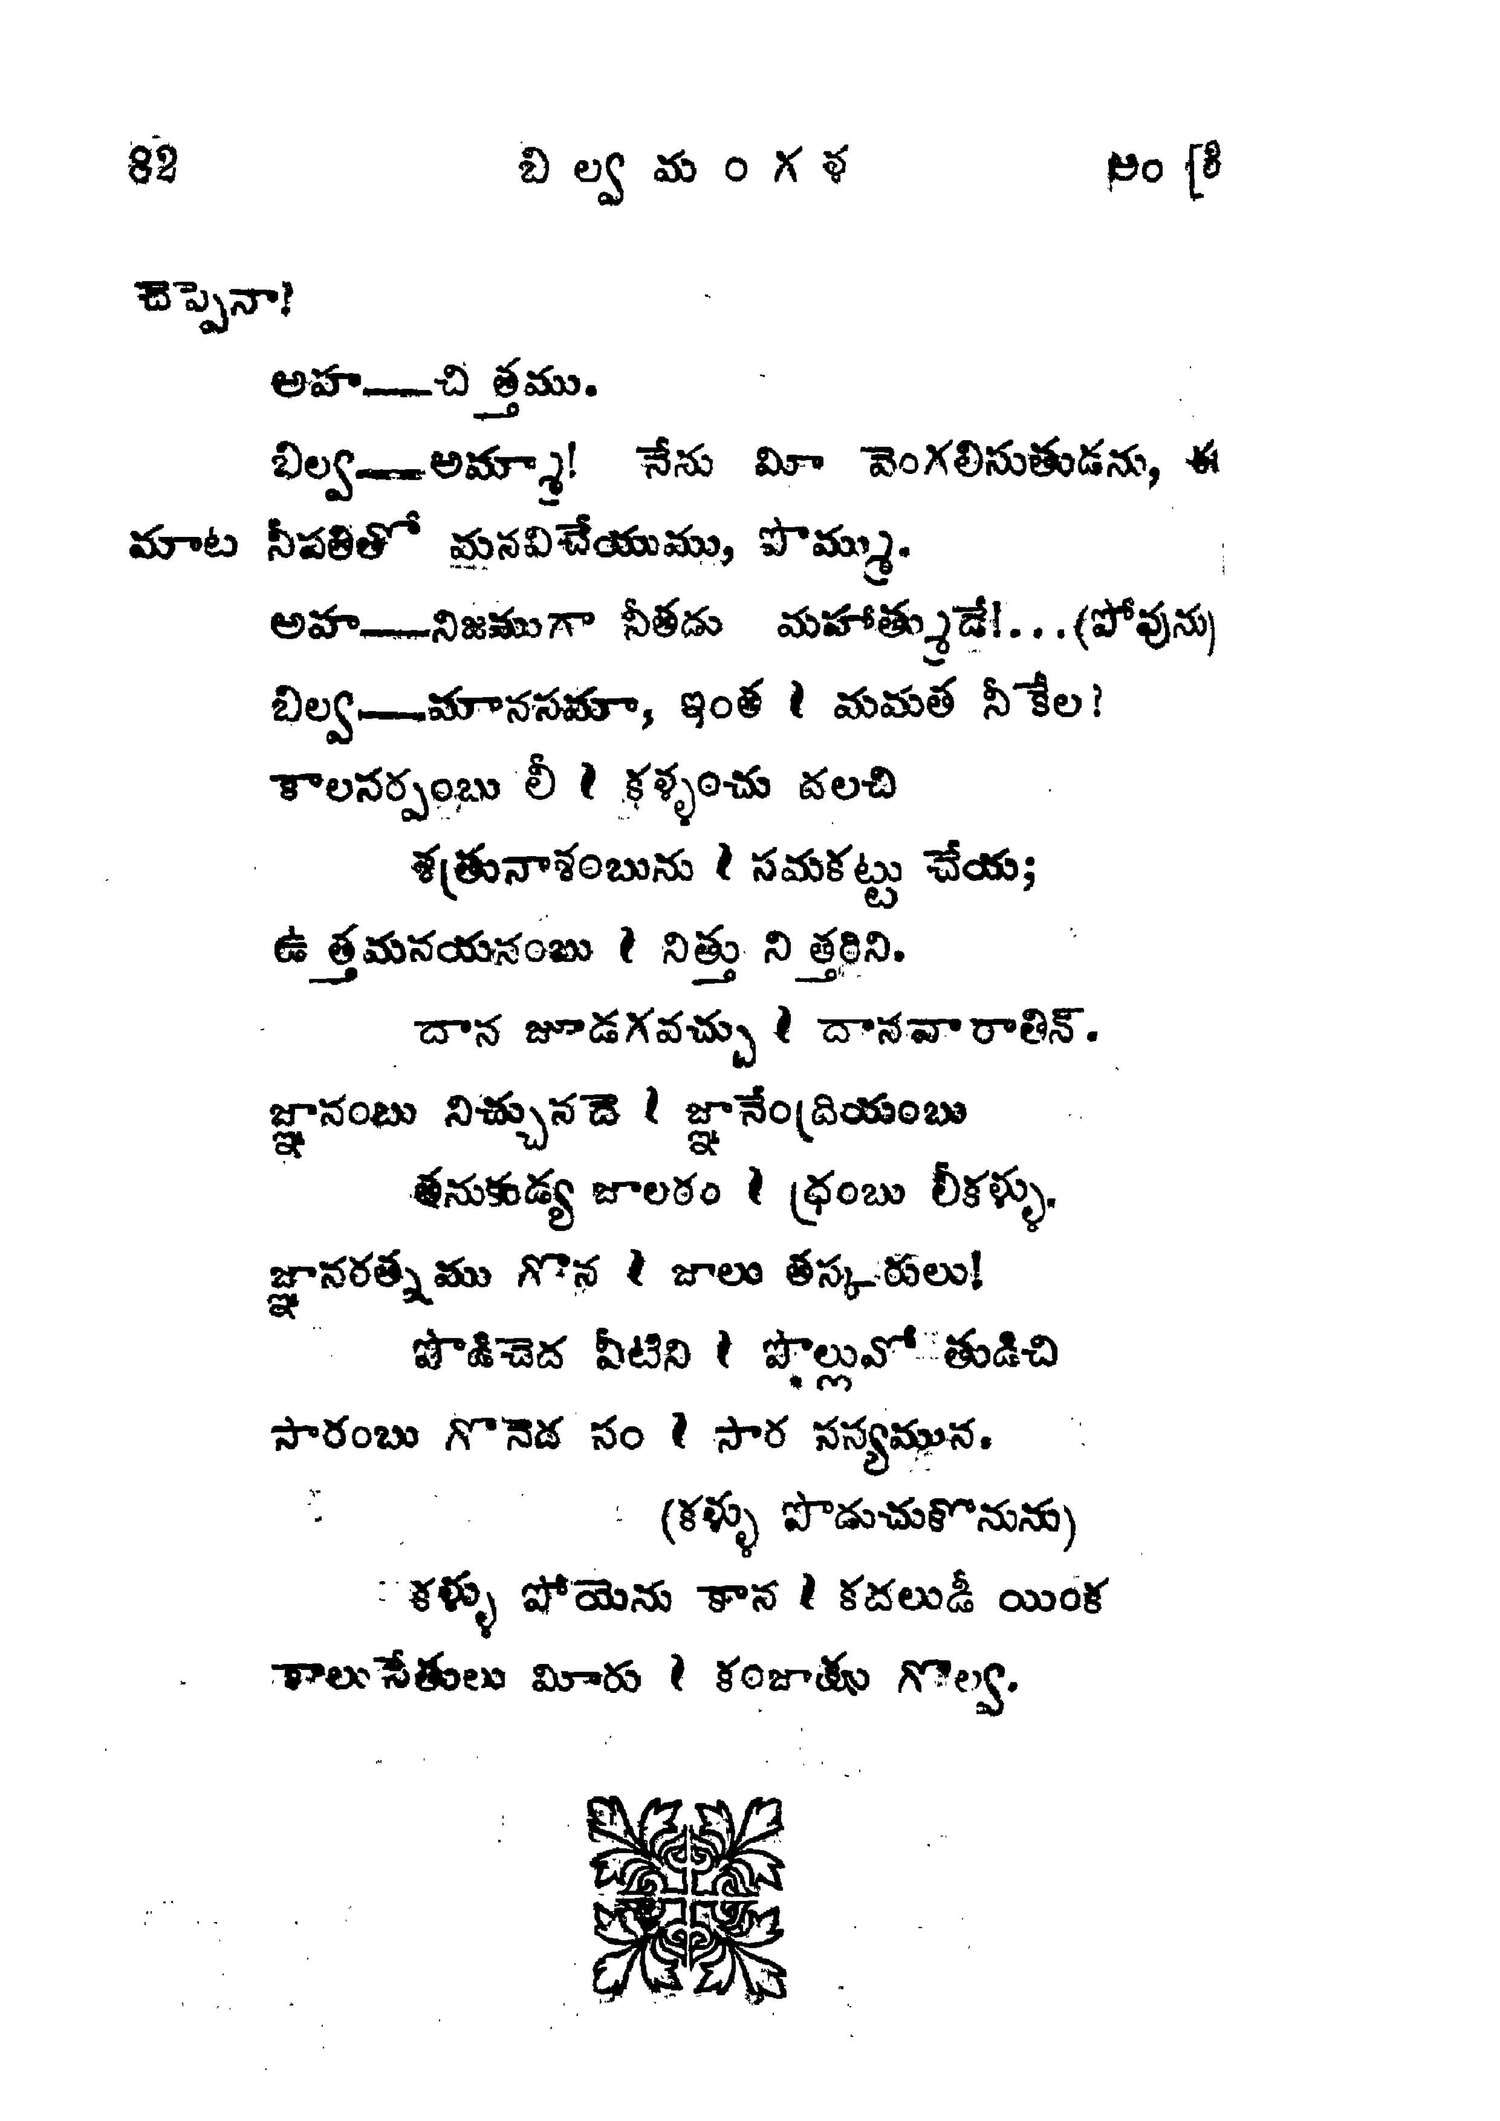చెప్పెనా!

అహ - చిత్తము.

బిల్వ - అమ్మా! నేను మీ వెంగలిసుతుడను, ఈ మాట నీపతితో మనవిచేయుము, పొమ్ము.

అహ - నిజముగా నీతడు మహాత్ముడే!....(పోవును)

 బిల్వ - మానసమా, ఇంత ♦ మమత నీకేల?
 కాలసర్పంబు లీ ♦ కళ్ళంచు దలచి
 శత్రునాశంబును ♦ సమకట్టు చేయ;
 ఉత్తమనయనంబు ♦ నిత్తు నిత్తరిని.
 దాన జూడగవచ్చు ♦ దానవారాతిన్.
 జ్ఞానంబు నిచ్చునదె ♦ జ్ఞానేంద్రియంబు
 తనుకుడ్య జాలరం ♦ ధ్రంబు లీకళ్ళు.
 జ్ఞానరత్నము గొన ♦ జాలు తస్కరులు!
 పొడిచెద వీటిని ♦ పొల్లువో తుడిచి
 సారంబు గొనెద సం ♦ సార నన్యమున.
 (కళ్ళు పొడుచుకొనును)
 కళ్ళు పోయెను కాన ♦ కదలుడీ యింక
 కాలు సేతులు మీరు ♦ కంజాక్షు గొల్వ.